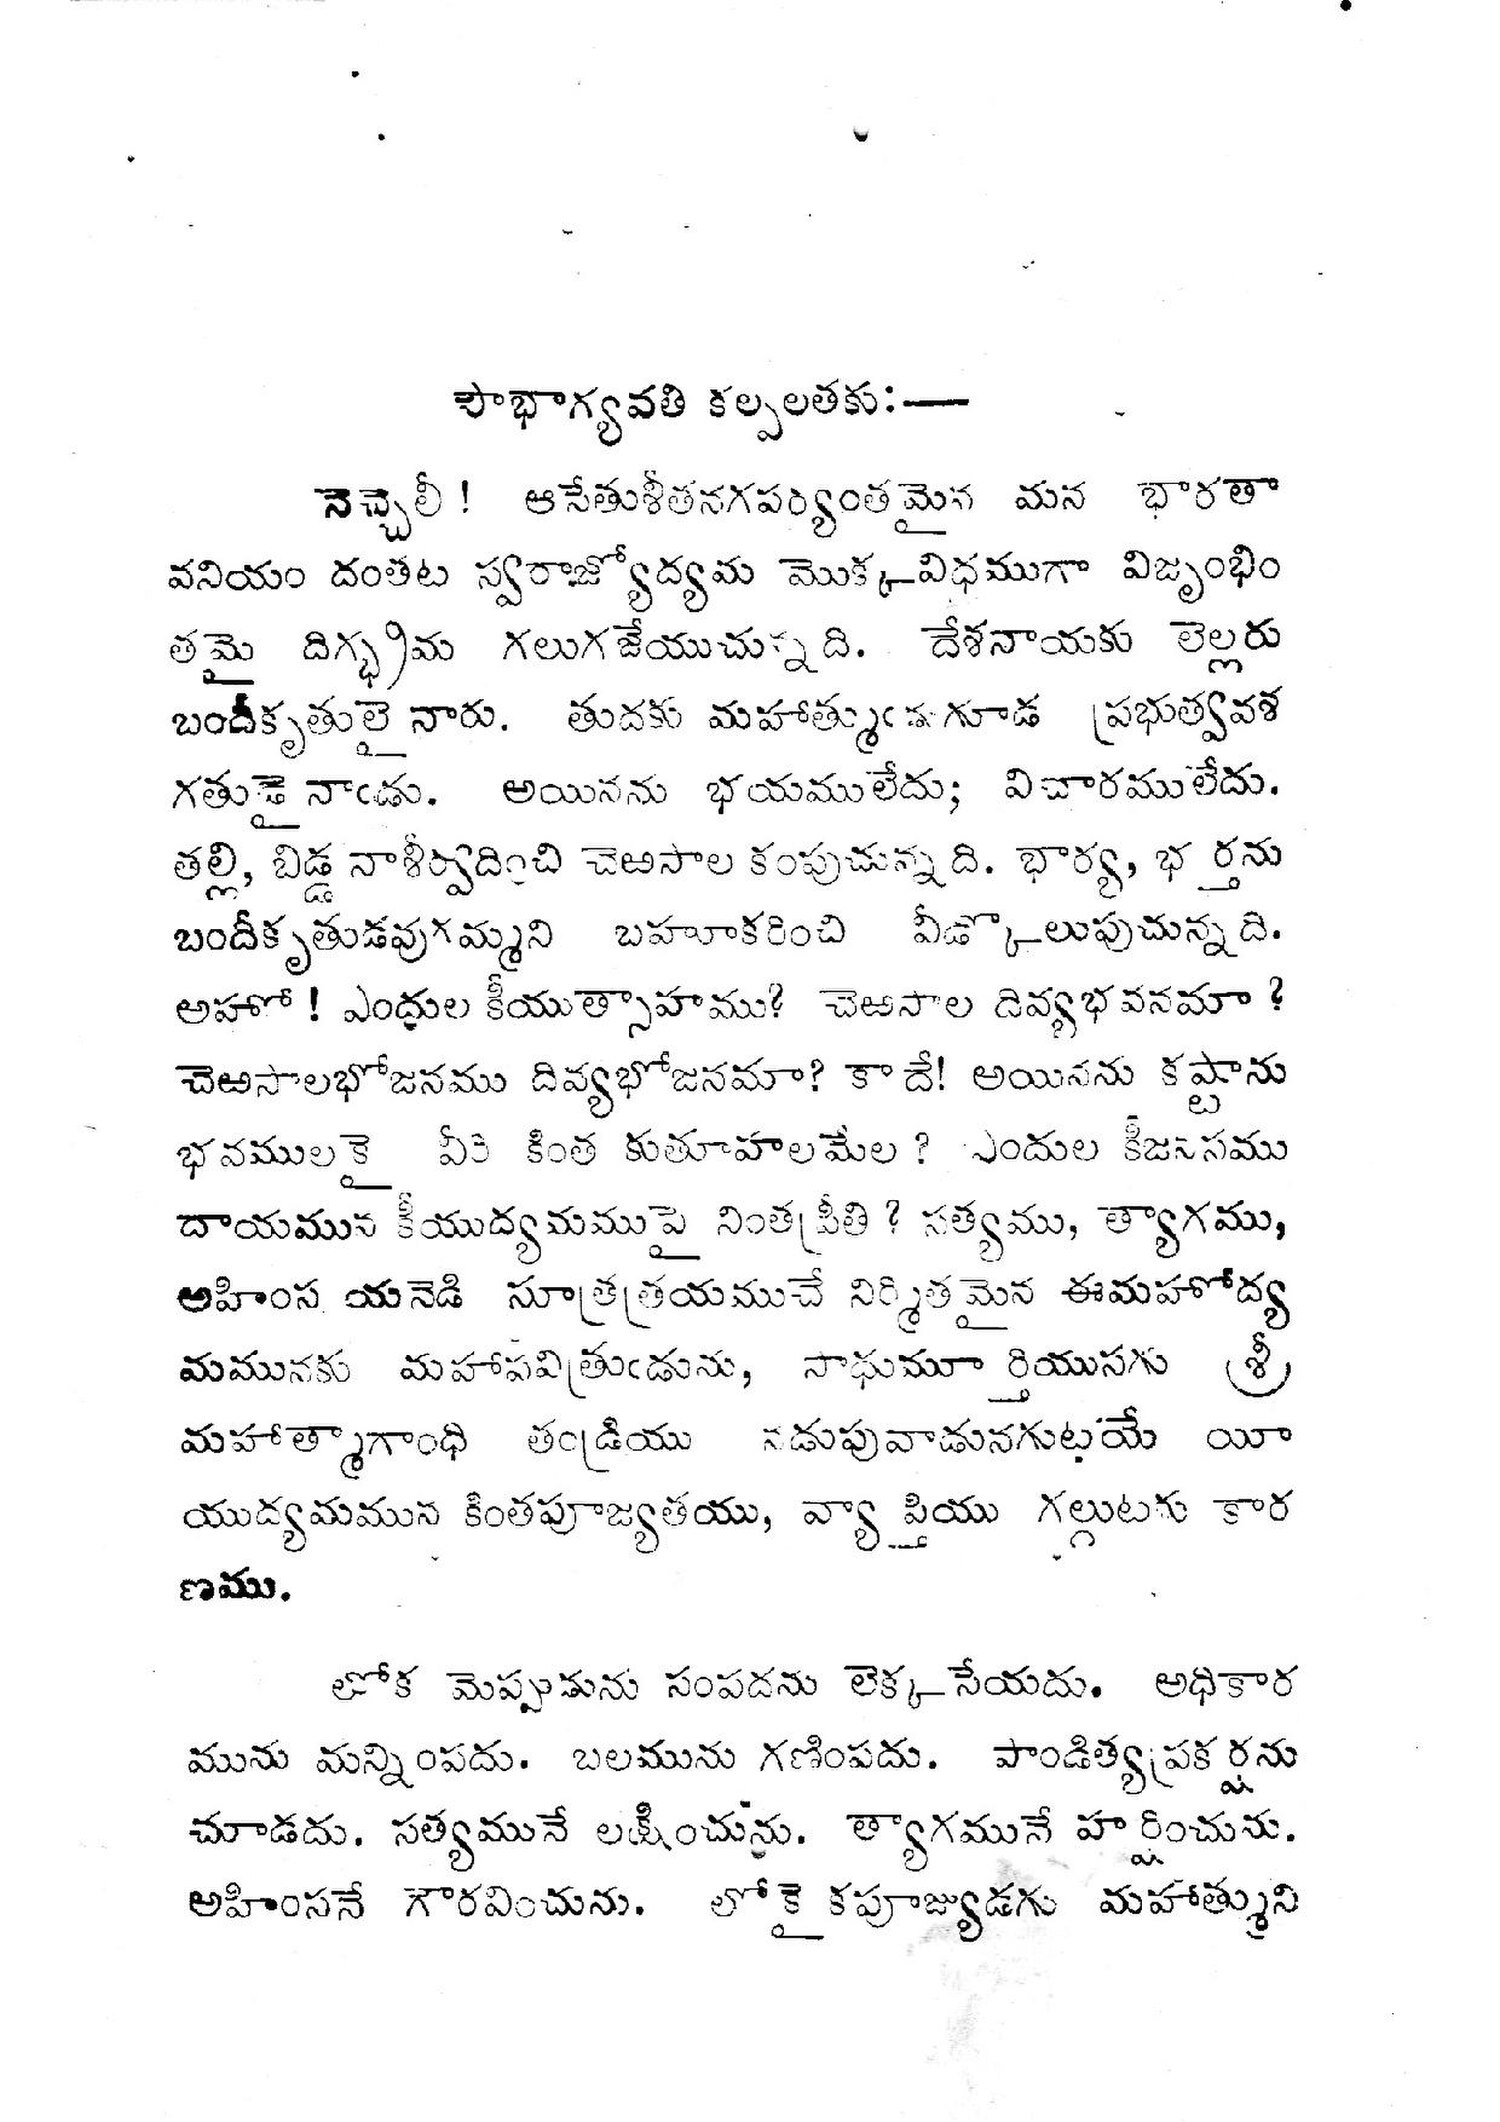నెచ్చెలీ! ఆసేతుశీతనగపర్యంతమైన మన భారతావనియం దంతట స్వరాజ్యోద్యమ మొక్కవిధముగా విజృంభింతమై దిగ్భ్రమ గలుగజేయుచున్నది. దేశనాయకు లెల్లరు బందీకృతులైనారు. తుదకు మహాత్ముఁడుగూడ ప్రభుత్వవశగతుడైనాఁడు. అయినను భయములేదు; విచారములేదు. తల్లి, బిడ్డ నాశీర్వదించి చెఱసాల కంపుచున్నది. భార్య, భర్తను బందీకృతుడవుగమ్మని బహూకరించి వీడ్కొలుపుచున్నది. అహో ! ఎంధుల కీయుత్సాహము? చెఱసాల దివ్యభవనమా ? చెఱసాలభోజనము దివ్యభోజనమా? కాదే! అయినను కష్టానుభవములకై వీరి కింత కుతూహలమేల? ఎందుల కీజనసముదాయముస కీయుద్యమముపై నింతప్రీతి ? సత్యము, త్యాగము, అహింస యనెడి సూత్రత్రయముచే నిర్మితమైన ఈమహోద్యమమునకు మహాపవిత్రుఁడును, సాధుమూర్తియునగు శ్రీ 
మహాత్మాగాంధి తండ్రియు నడుపువాడునగుటయే యీ యుద్యమమున కింతపూజ్యతయు, వ్యాప్తియు గల్గుటకు కారణము.

లోక మెప్పుడును సంపదను లెక్కసేయదు. అధికారమును మన్నింపదు. బలమును గణింపదు. పాండిత్యప్రకర్షను చూడదు. సత్యమునే లక్షించును. త్యాగమునే హర్షించును. అహింసనే గౌరవించును. లోకైకపూజ్యుడగు మహాత్ముని